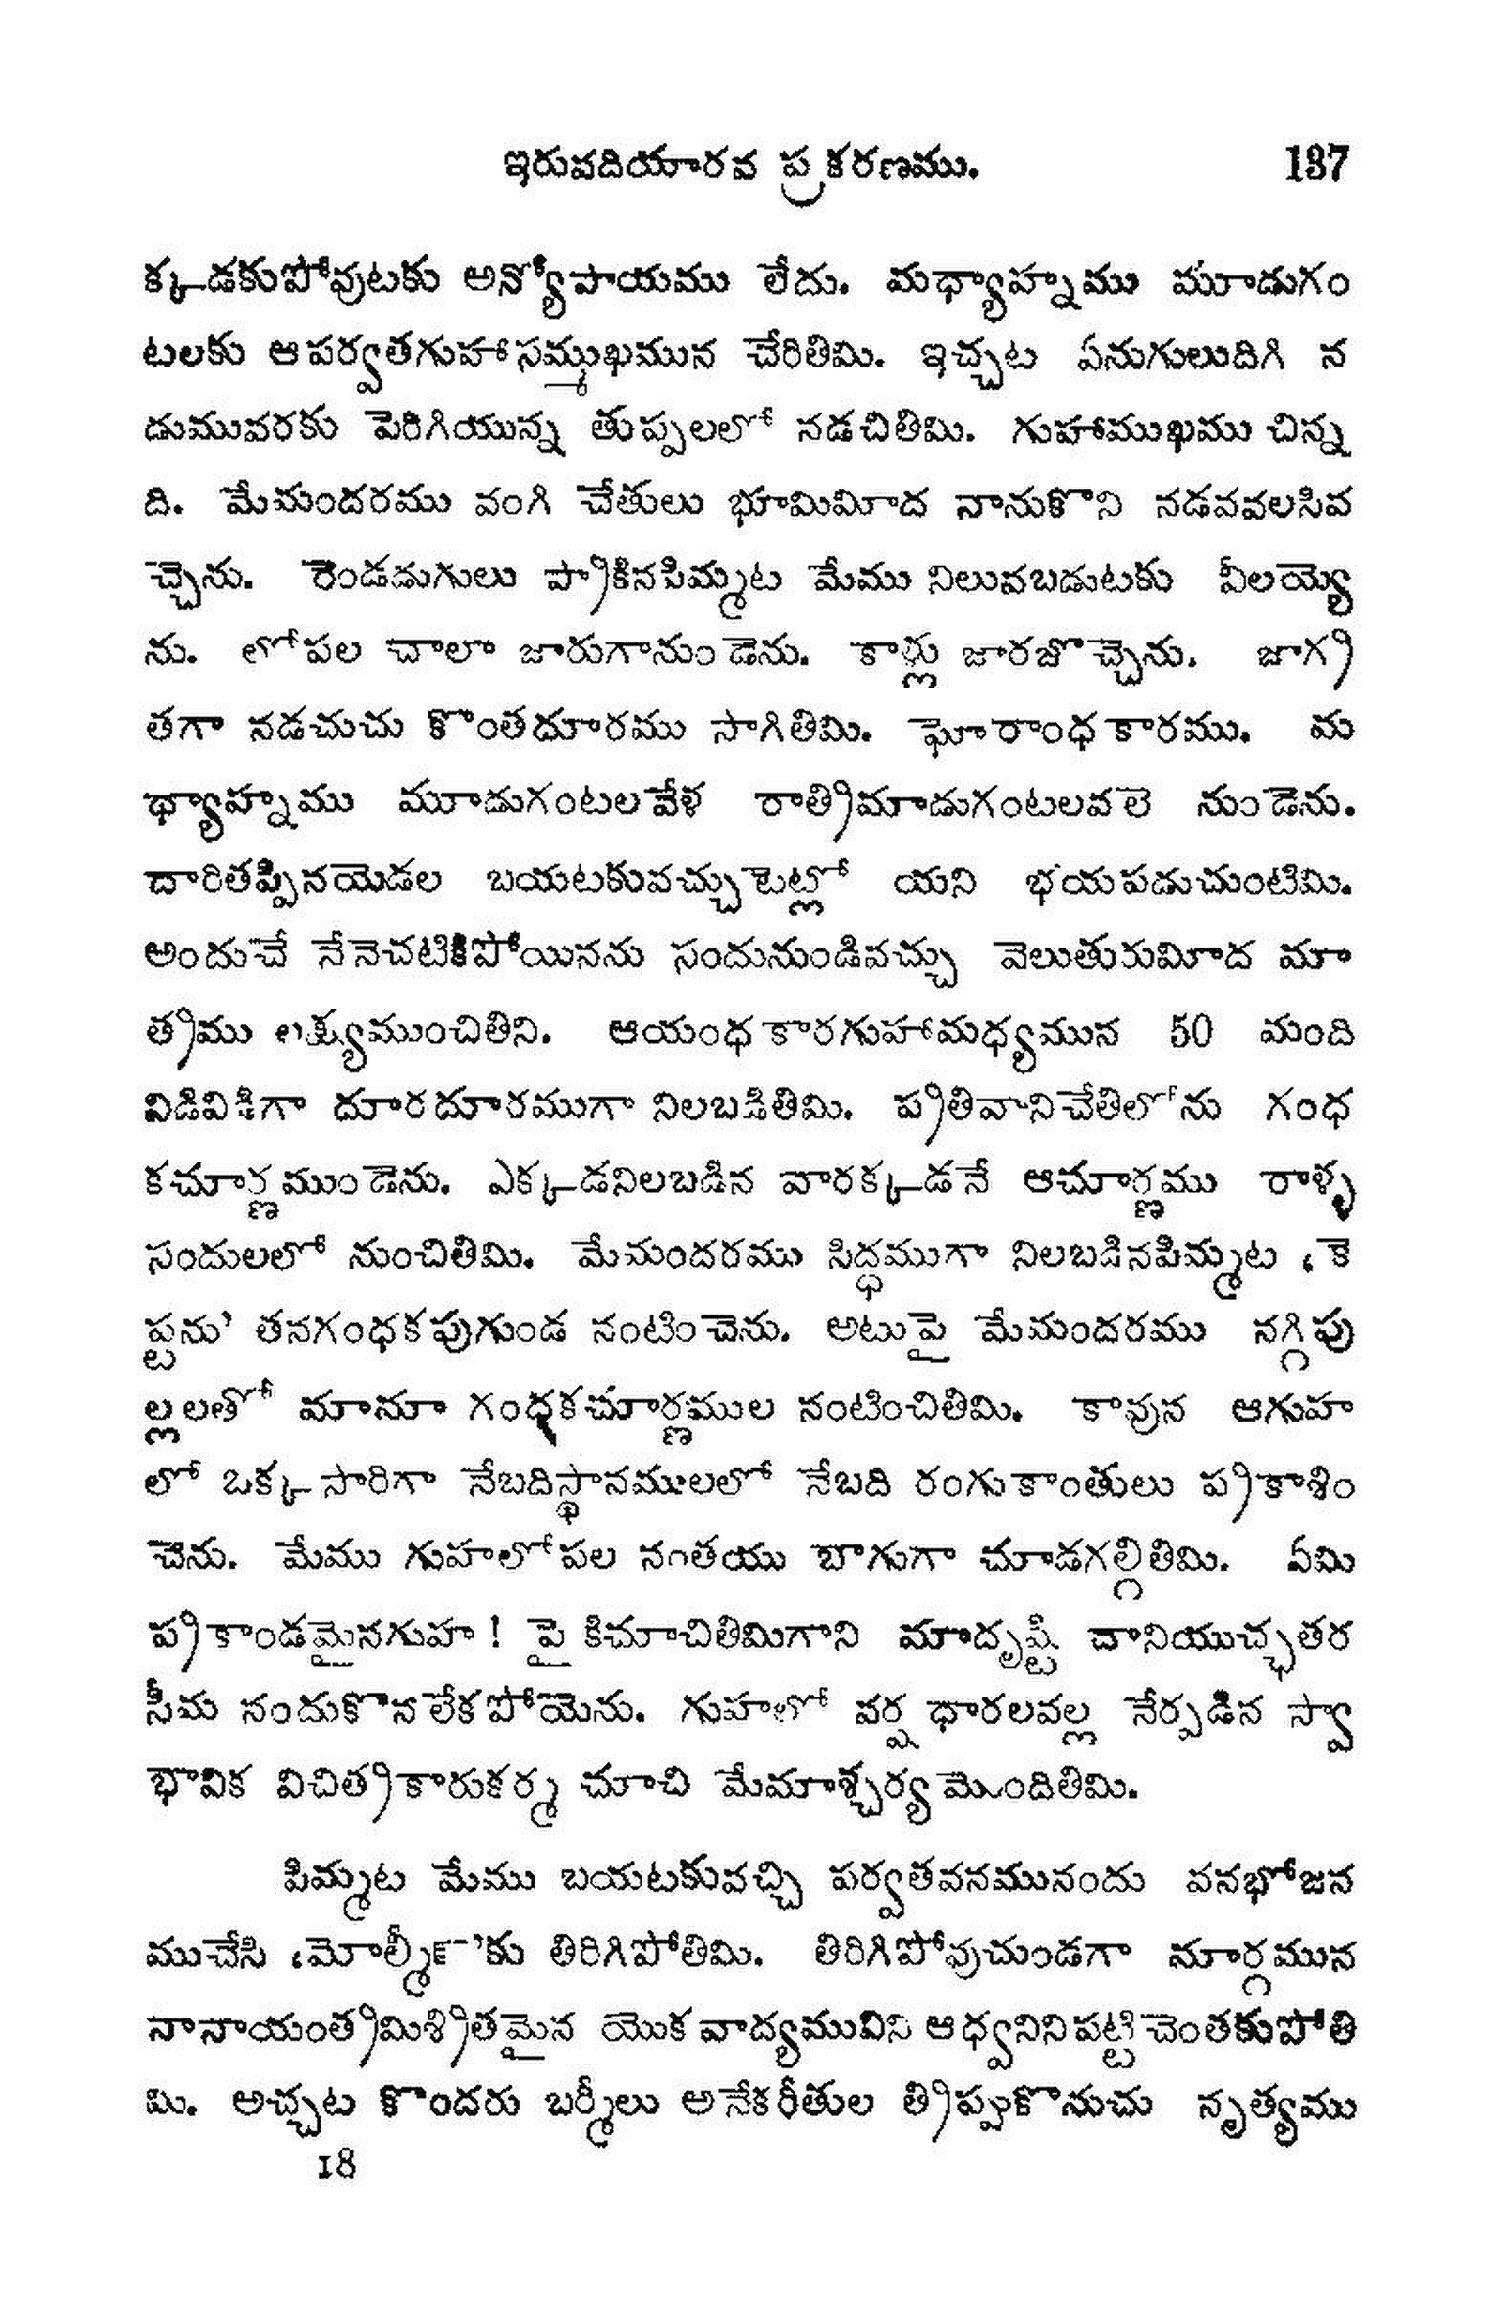క్కడకుపోవుటకు అన్యోపాయములేదు. మధ్యాహ్నము మూడుగంటలకు
ఆ పర్వతగుహా సముఖమున చేరితిమి. ఇచ్చట ఏనుగులుదిగి న
డుమువరకు పెరిగియున్న తుప్పలలో నడచితిమి. గుహాముఖము చిన్నది. మేమందరము వంగి చేతులు భూమిమీద నానుకొని నడవవలసివ
చ్చెను. రెండడుగులు ప్రాకిన పిమ్మట మేము నిలువబడుటకు వీలయ్యెను. 
లోపల చాలా జారుగానుండెను. "కాళ్లు జారజొచ్చెను. జాగ్రతగా నడచుచు
 కొంతదూరము సాగితిమి. ఘోరాంధకారము.మథ్యాహ్నము మూడుగంటల 
వేళ రాత్రి మాడుగంటలవలె నుండెను.దారితప్పినయెడల బయటకువచ్చు
టెట్లో యని భయపడుచుంటిమి.అందుచే నేనెచటికిపోయినను సందునుండివచ్చు వెలుతురు మీద మాత్రము లక్ష్య ముంచితిని. ఆయంధ కారగుహామధ్యమున 50
మంది విడివిడిగా దూరదూరముగా నిలబడితిమి. ప్రతివాని చేతిలోను గంధక
చూర్ణముండెను. ఎక్కడ నిలబడిన వారక్కడనే ఆచూర్ణము రాళ్ళ
సందులలో నుంచితిమి. మేమందరము సిద్ధముగా నిలబడినపిమ్మట 
కేప్టను తనగంధక పుగుండ నంటించెను. అటుపై మేమందరము నగ్గిపు
ల్లలతో మామా గంగంధకచూర్ణముల నంటించితిమి. కావున ఆగుహ
లో ఒక్క సారిగా నేబది స్థానములలో 'నేబది రంగు కాంతులు ప్రకాశం
చెను. మేము గుహలోపల నంతయు బాగుగా చూడగల్గితిమి. ఏమి
ప్రకాండమైనగుహ ! పైకిచూచితిమిగాని మాదృష్టి దానియుచ్ఛతర
సీమ నందుకొన లేక పోయెను. గుహలో నర్ష ధారలవల్ల నేర్పడిన స్వా
భావిక విచిత్ర కారుకర్మ చూచి 'మేమాశ్చర్య మొందితిమి.

పిమ్మట మేము బయటకు వచ్చి పర్వతవనమునందు వనభోజన
ముచేసి (మోల్మీన్ కు తిరిగిపోతిమి. తిరిగి పోవుచుండగా మార్గమున
నానాయంత మిళితమైన యొక వాద్యమువిని ఆధ్వనిని పట్టి చెంతకు పోతిమి.
అచ్చట కొందరు బర్మీలు అనేక రీతుల త్రిప్పుకొనుచు నృత్యము